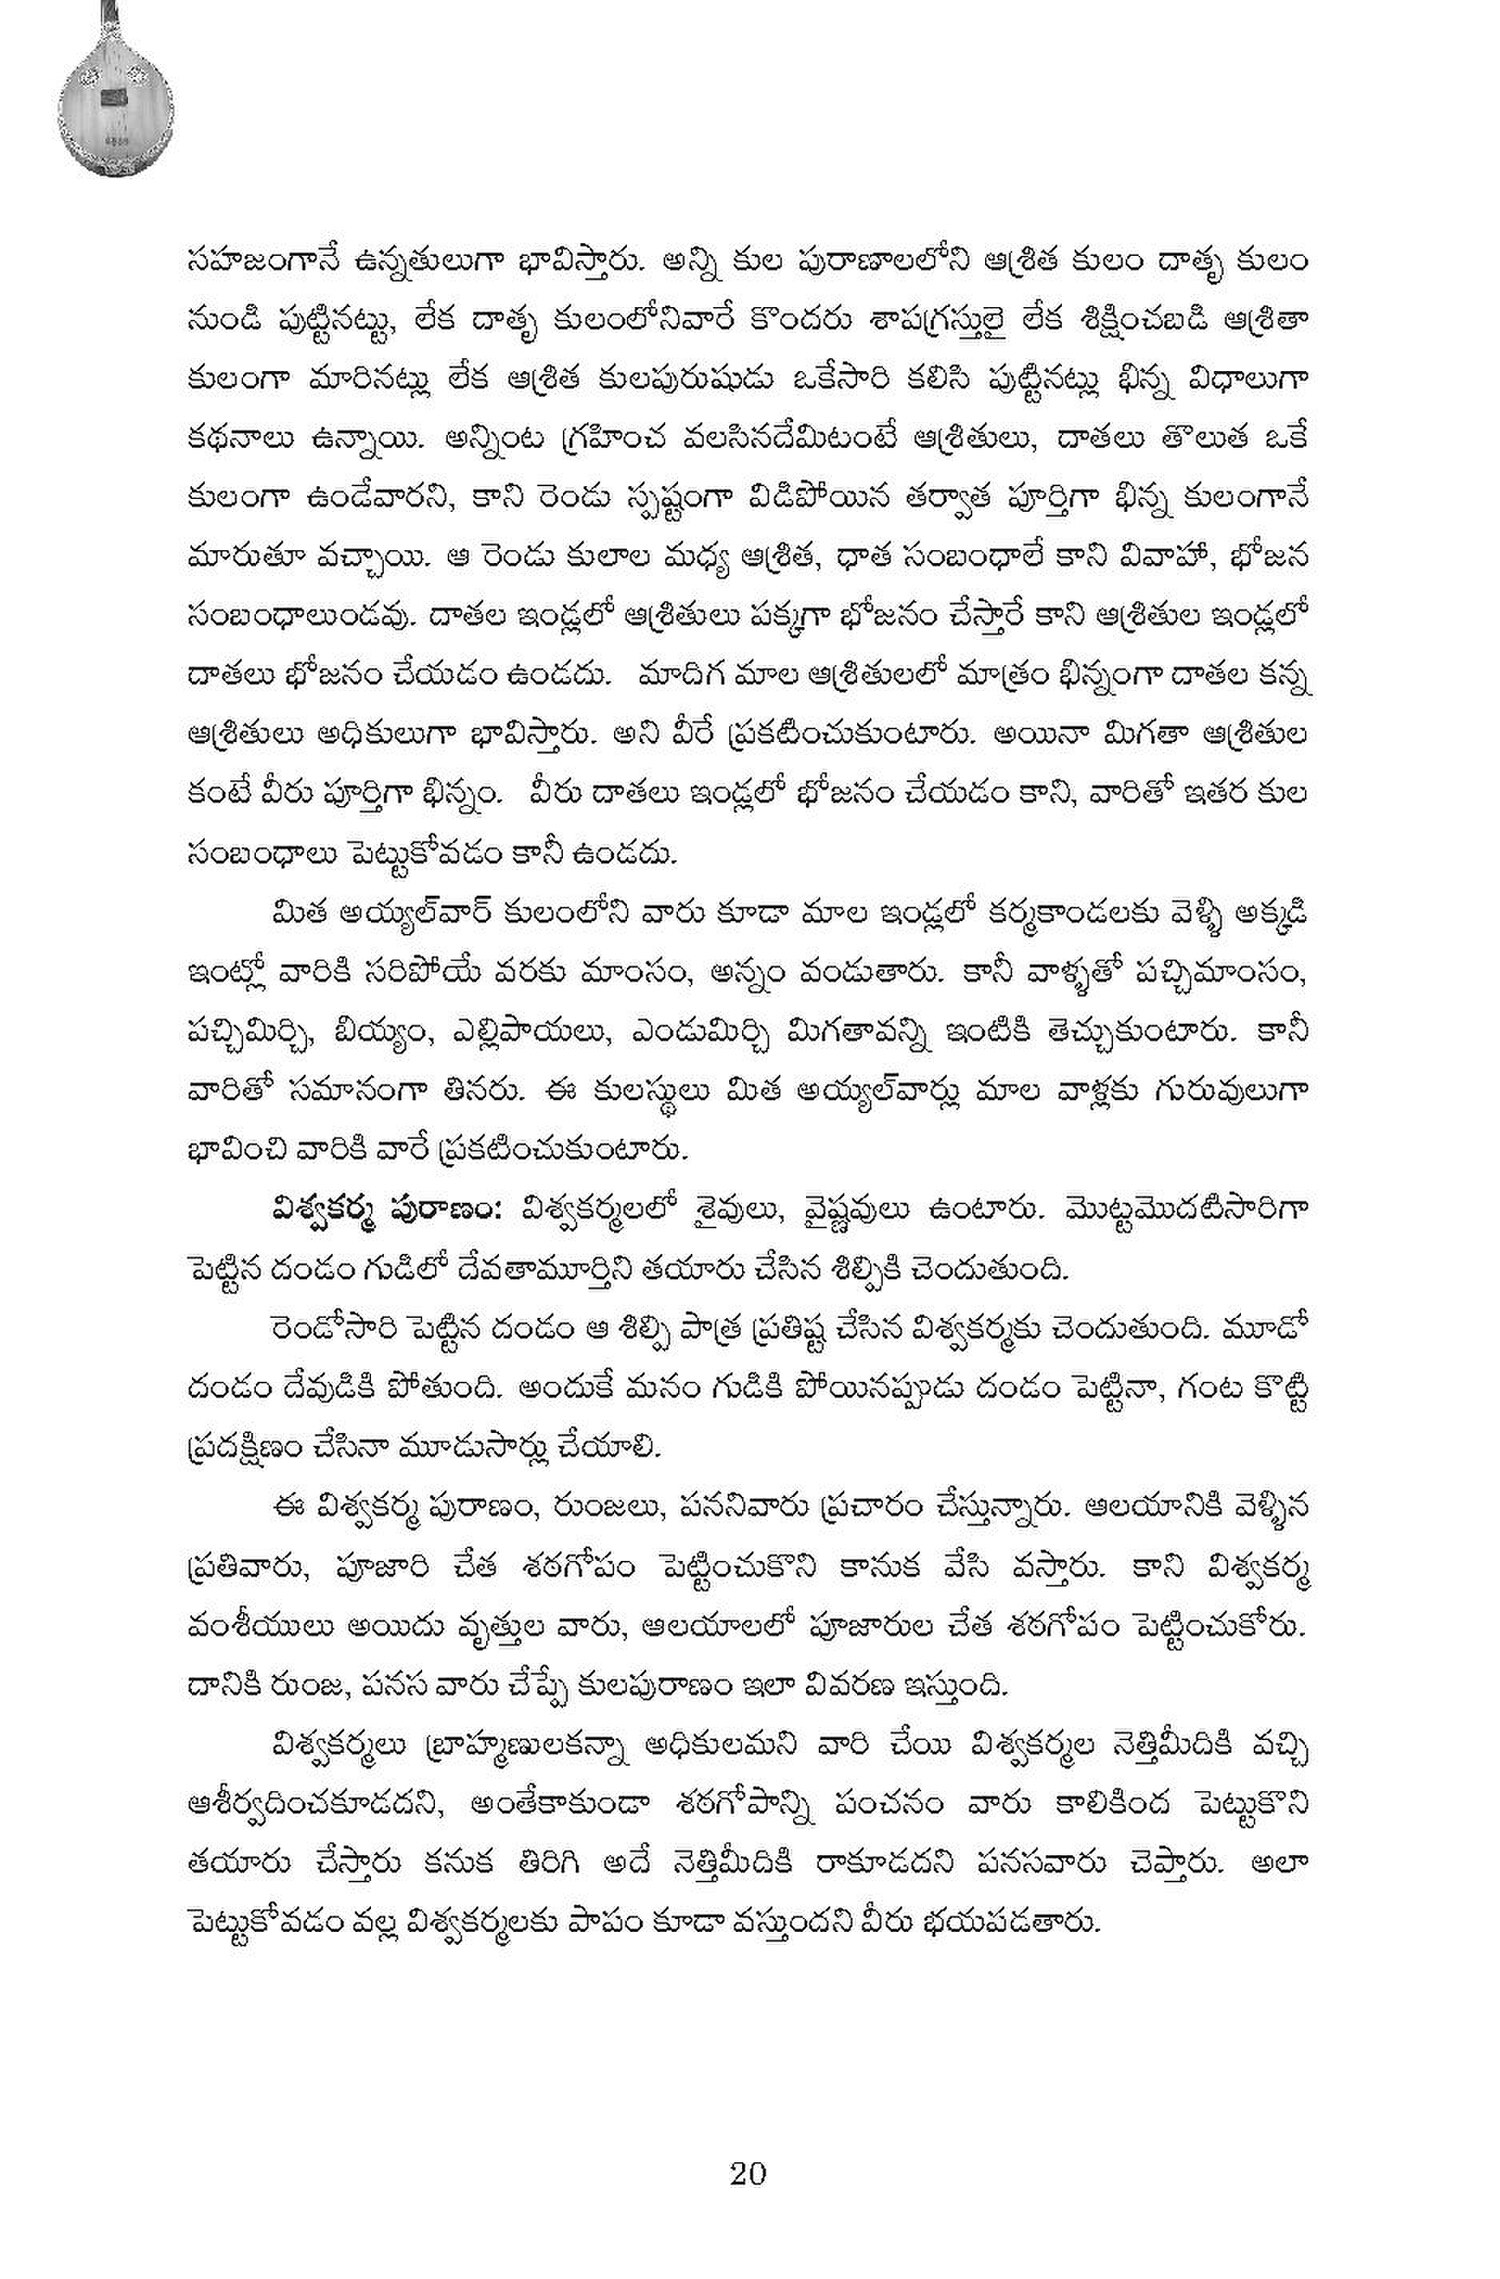సహజంగానే ఉన్నతులుగా భావిస్తారు. అన్ని కుల పురాణాలలోని ఆశ్రిత కులం దాతృ కులం నుండి పుట్టినట్టు, లేక దాతృ కులంలోనివారే కొందరు శాపగ్రస్తులై లేక శిక్షించబడి ఆశ్రితా కులంగా మారినట్లు లేక ఆశ్రిత కులపురుషుడు ఒకేసారి కలిసి పుట్టినట్లు భిన్న విధాలుగా కథనాలు ఉన్నాయి. అన్నింట గ్రహించ వలసినదేమిటంటే ఆశ్రితులు, దాతలు తొలుత ఒకే
కులంగా ఉండేవారని, కాని రెండు స్పష్టంగా విడిపోయిన తర్వాత పూర్తిగా భిన్న కులంగానే మారుతూ వచ్చాయి. ఆ రెండు కులాల మధ్య ఆశ్రిత, ధాత సంబంధాలే కాని వివాహా, భోజన సంబంధాలుండవు. దాతల ఇండ్లలో ఆశ్రితులు పక్కగా భోజనం చేస్తారే కాని ఆశ్రితుల ఇండ్లలో దాతలు భోజనం చేయడం ఉండదు. మాదిగ మాల ఆశ్రితులలో మాత్రం భిన్నంగా దాతల కన్న ఆశ్రితులు అధికులుగా భావిస్తారు. అని వీరే ప్రకటించుకుంటారు. అయినా మిగతా ఆశ్రితులు కంటే వీరు పూర్తిగా భిన్నం. వీరు దాతలు ఇండ్లలో భోజనం చేయడం కాని, వారితో ఇతర కుల సంబంధాలు పెట్టుకోవడం కానీ ఉండదు.

మిత అయ్యల్వార్ కులంలోని వారు కూడా మాల ఇండ్లలో కర్మకాండలకు వెళ్ళి అక్కడి ఇంట్లో వారికి సరిపోయే వరకు మాంసం, అన్నం వండుతారు. కానీ వాళ్ళతో పచ్చిమాంసం, పచ్చిమిర్చి, బియ్యం, ఎల్లిపాయలు, ఎండుమిర్చి మిగతావన్ని ఇంటికి తెచ్చుకుంటారు. కానీ వారితో సమానంగా తినరు. ఈ కులస్థులు మిత అయ్యల్వార్లు మాల వాళ్లకు గురువులుగా భావించి వారికి వారే ప్రకటించుకుంటారు.

విశ్వకర్మ పురాణం: విశ్వకర్మలలో శైవులు, వైష్ణవులు ఉంటారు. మొట్టమొదటిసారిగా పెట్టిన దండం గుడిలో దేవతామూర్తిని తయారు చేసిన శిల్పికి చెందుతుంది.

రెండోసారి పెట్టిన దండం ఆ శిల్పి పాత్ర ప్రతిష్ట చేసిన విశ్వకర్మకు చెందుతుంది. మూడో దండం దేవుడికి పోతుంది. అందుకే మనం గుడికి పోయినప్పుడు దండం పెట్టినా, గంట కొట్టి ప్రదక్షిణం చేసినా మూడుసార్లు చేయాలి.

ఈ విశ్వకర్మ పురాణం, రుంజలు, పననివారు ప్రచారం చేస్తున్నారు. ఆలయానికి వెళ్ళిన ప్రతివారు, పూజారి చేత శఠగోపం పెట్టించుకొని కానుక వేసి వస్తారు. కాని విశ్వకర్మ వంశీయులు అయిదు వృత్తుల వారు, ఆలయాలలో పూజారుల చేత శఠగోపం పెట్టించుకోరు. దానికి రుంజ, పనస వారు చేప్పే కులపురాణం ఇలా వివరణ ఇస్తుంది.

విశ్వకర్మలు బ్రాహ్మణులకన్నా అధికులమని వారి చేయి విశ్వకర్మల నెత్తిమీదికి వచ్చి ఆశీర్వదించకూడదని, అంతేకాకుండా శఠగోపాన్ని పంచనం వారు కాలికింద పెట్టుకొని తయారు చేస్తారు కనుక తిరిగి అదే నెత్తిమీదికి రాకూడదని పనసవారు చెప్తారు. అలా పెట్టుకోవడం వల్ల విశ్వకర్మలకు పాపం కూడా వస్తుందని వీరు భయపడతారు.